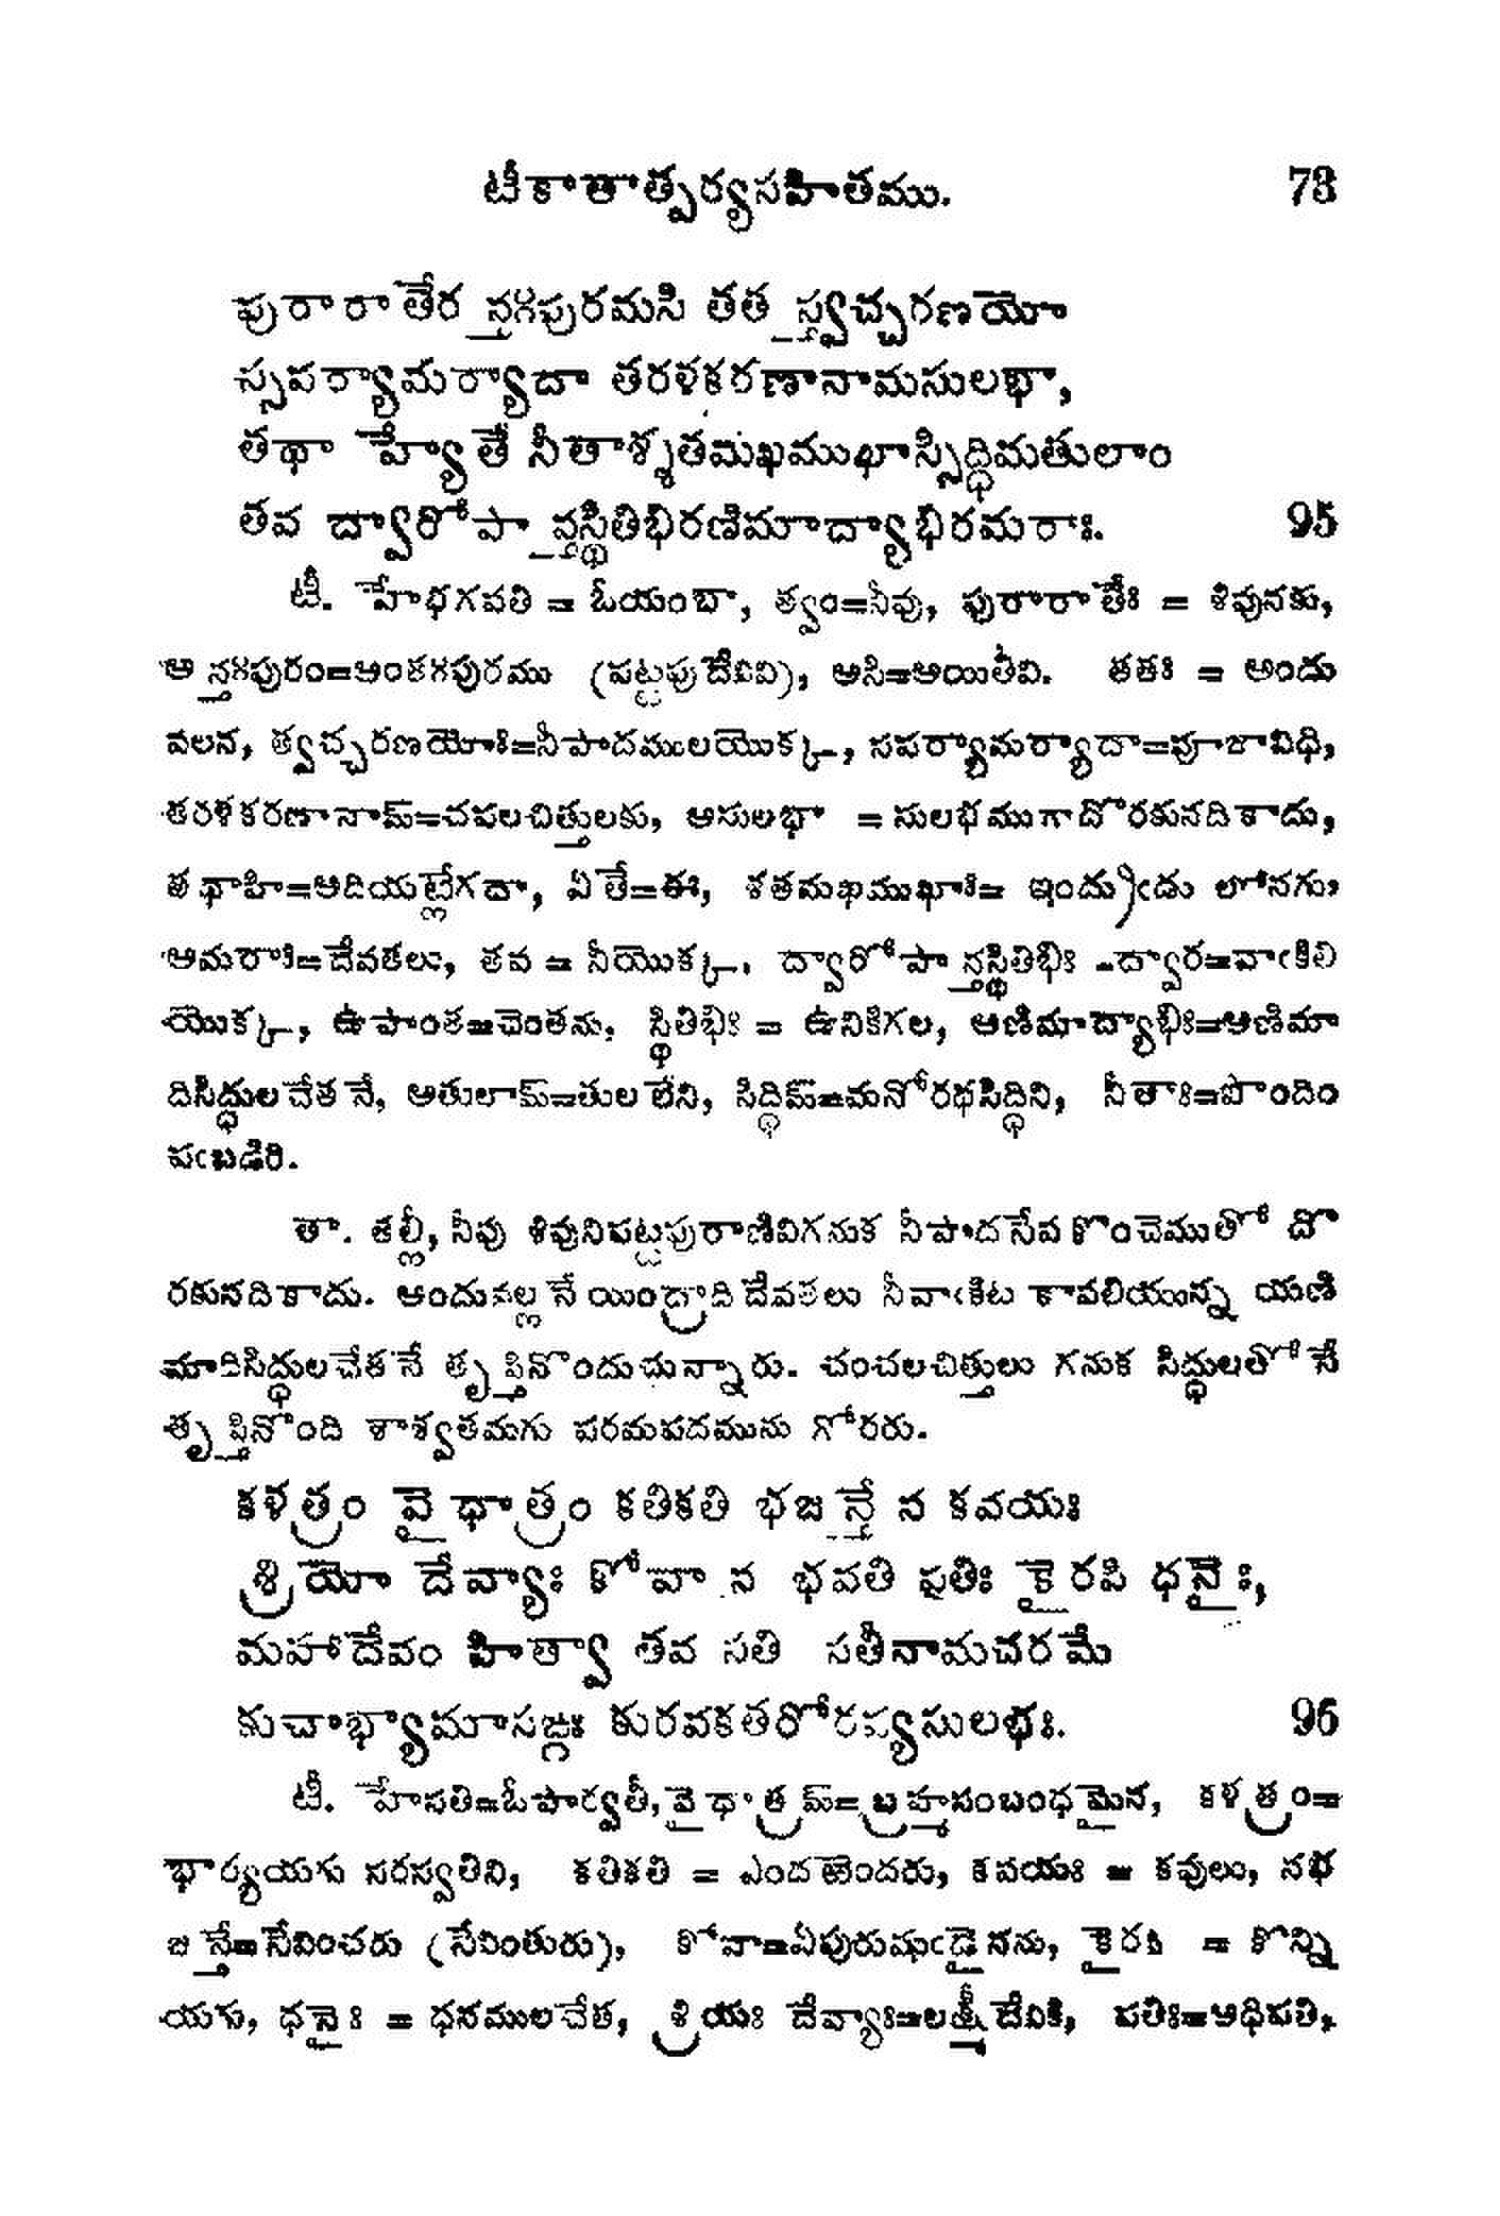పురారాతేరన్తఃపురమసి తతస్త్వచ్చరణయో
స్సపర్యామర్యాదా తరళకరణానామసులభా,
తథా హ్యేతే నీతాశ్శతమఖముఖాస్సిద్ధిమతులాం
తవ ద్వారోపాన్తస్థితిభిరణిమాద్యాభిరమరాః. 95
టీ. హేభగవతి = ఓయంబా, త్వం = నీవు, పురారాతేః = శివునకు, అన్తఃపురం = అంతఃపురము (పట్టపుదేవివి), అసి = అయితివి. తతః = అందువలన, త్వచ్చరణయోః = నీపాదములయొక్క, సపర్యామర్యాదా = పూజావిధి, తరళకరణానామ్ = చపలచిత్తులకు, అసులభా = సులభముగాదొరకునదికాదు, తథాహి = అదియట్లేగదా, ఏతే = ఈ, శతమఖముఖాః = ఇంద్రుఁడు లోనగు, అమరాః = దేవతలు, తవ = నీయొక్క, ద్వారోపాన్తస్థితిభిః-ద్వార = వాఁకిలియొక్క, ఉపాంత = చెంతను, స్థితిభిః = ఉనికిగల, అణిమాద్యాభిః = అణిమాదిసిద్ధులచేతనే, అతులామ్ = తులలేని, సిద్ధిమ్ = మనోరథసిద్ధిని, నీతాః = పొందింపఁబడిరి.

తా. తల్లీ, నీవు శివునిపట్టపురాణివిగనుక నీపాదసేవ కొంచెముతో దొరకునదికాదు. అందువల్లనే యింద్రాది దేవతలు నీవాఁకిట కావలియున్న యణిమాదిసిద్ధులచేతనే తృప్తినొందుచున్నారు. చంచలచిత్తులు గనుక సిద్ధులతోనే తృప్తినొంది శాశ్వతమగు పరమపదమును గోరరు.

కళత్రం వైధాత్రం కతికతి భజన్తే న కవయః
శ్రియో దేవ్యాః కోవా న భవతి పతిః కైరపి ధనైః,
మహాదేవం హిత్వాః తవ సతి సతీనామచరమే
కుచాభ్యామాసఙ్గః కురవకతరోరవ్యసులభః. 96
టీ. హేసతి = ఓపార్వతీ, వైధాత్రమ్ = బ్రహ్మసంబంధమైన, కళత్రం = భార్యయగు సరస్వతిని, కతికతి = ఎందఱెందరు, కవయః = కవులు, నభజన్తే = సేవించరు (సేవింతురు), కోవా = ఏపురుషుఁడైనను, కైరపి = కొన్నియగు, ధనైః = ధనములచేత, శ్రియః దేవ్యాః = లక్ష్మీదేవికి, పతిః = అధిపతి,